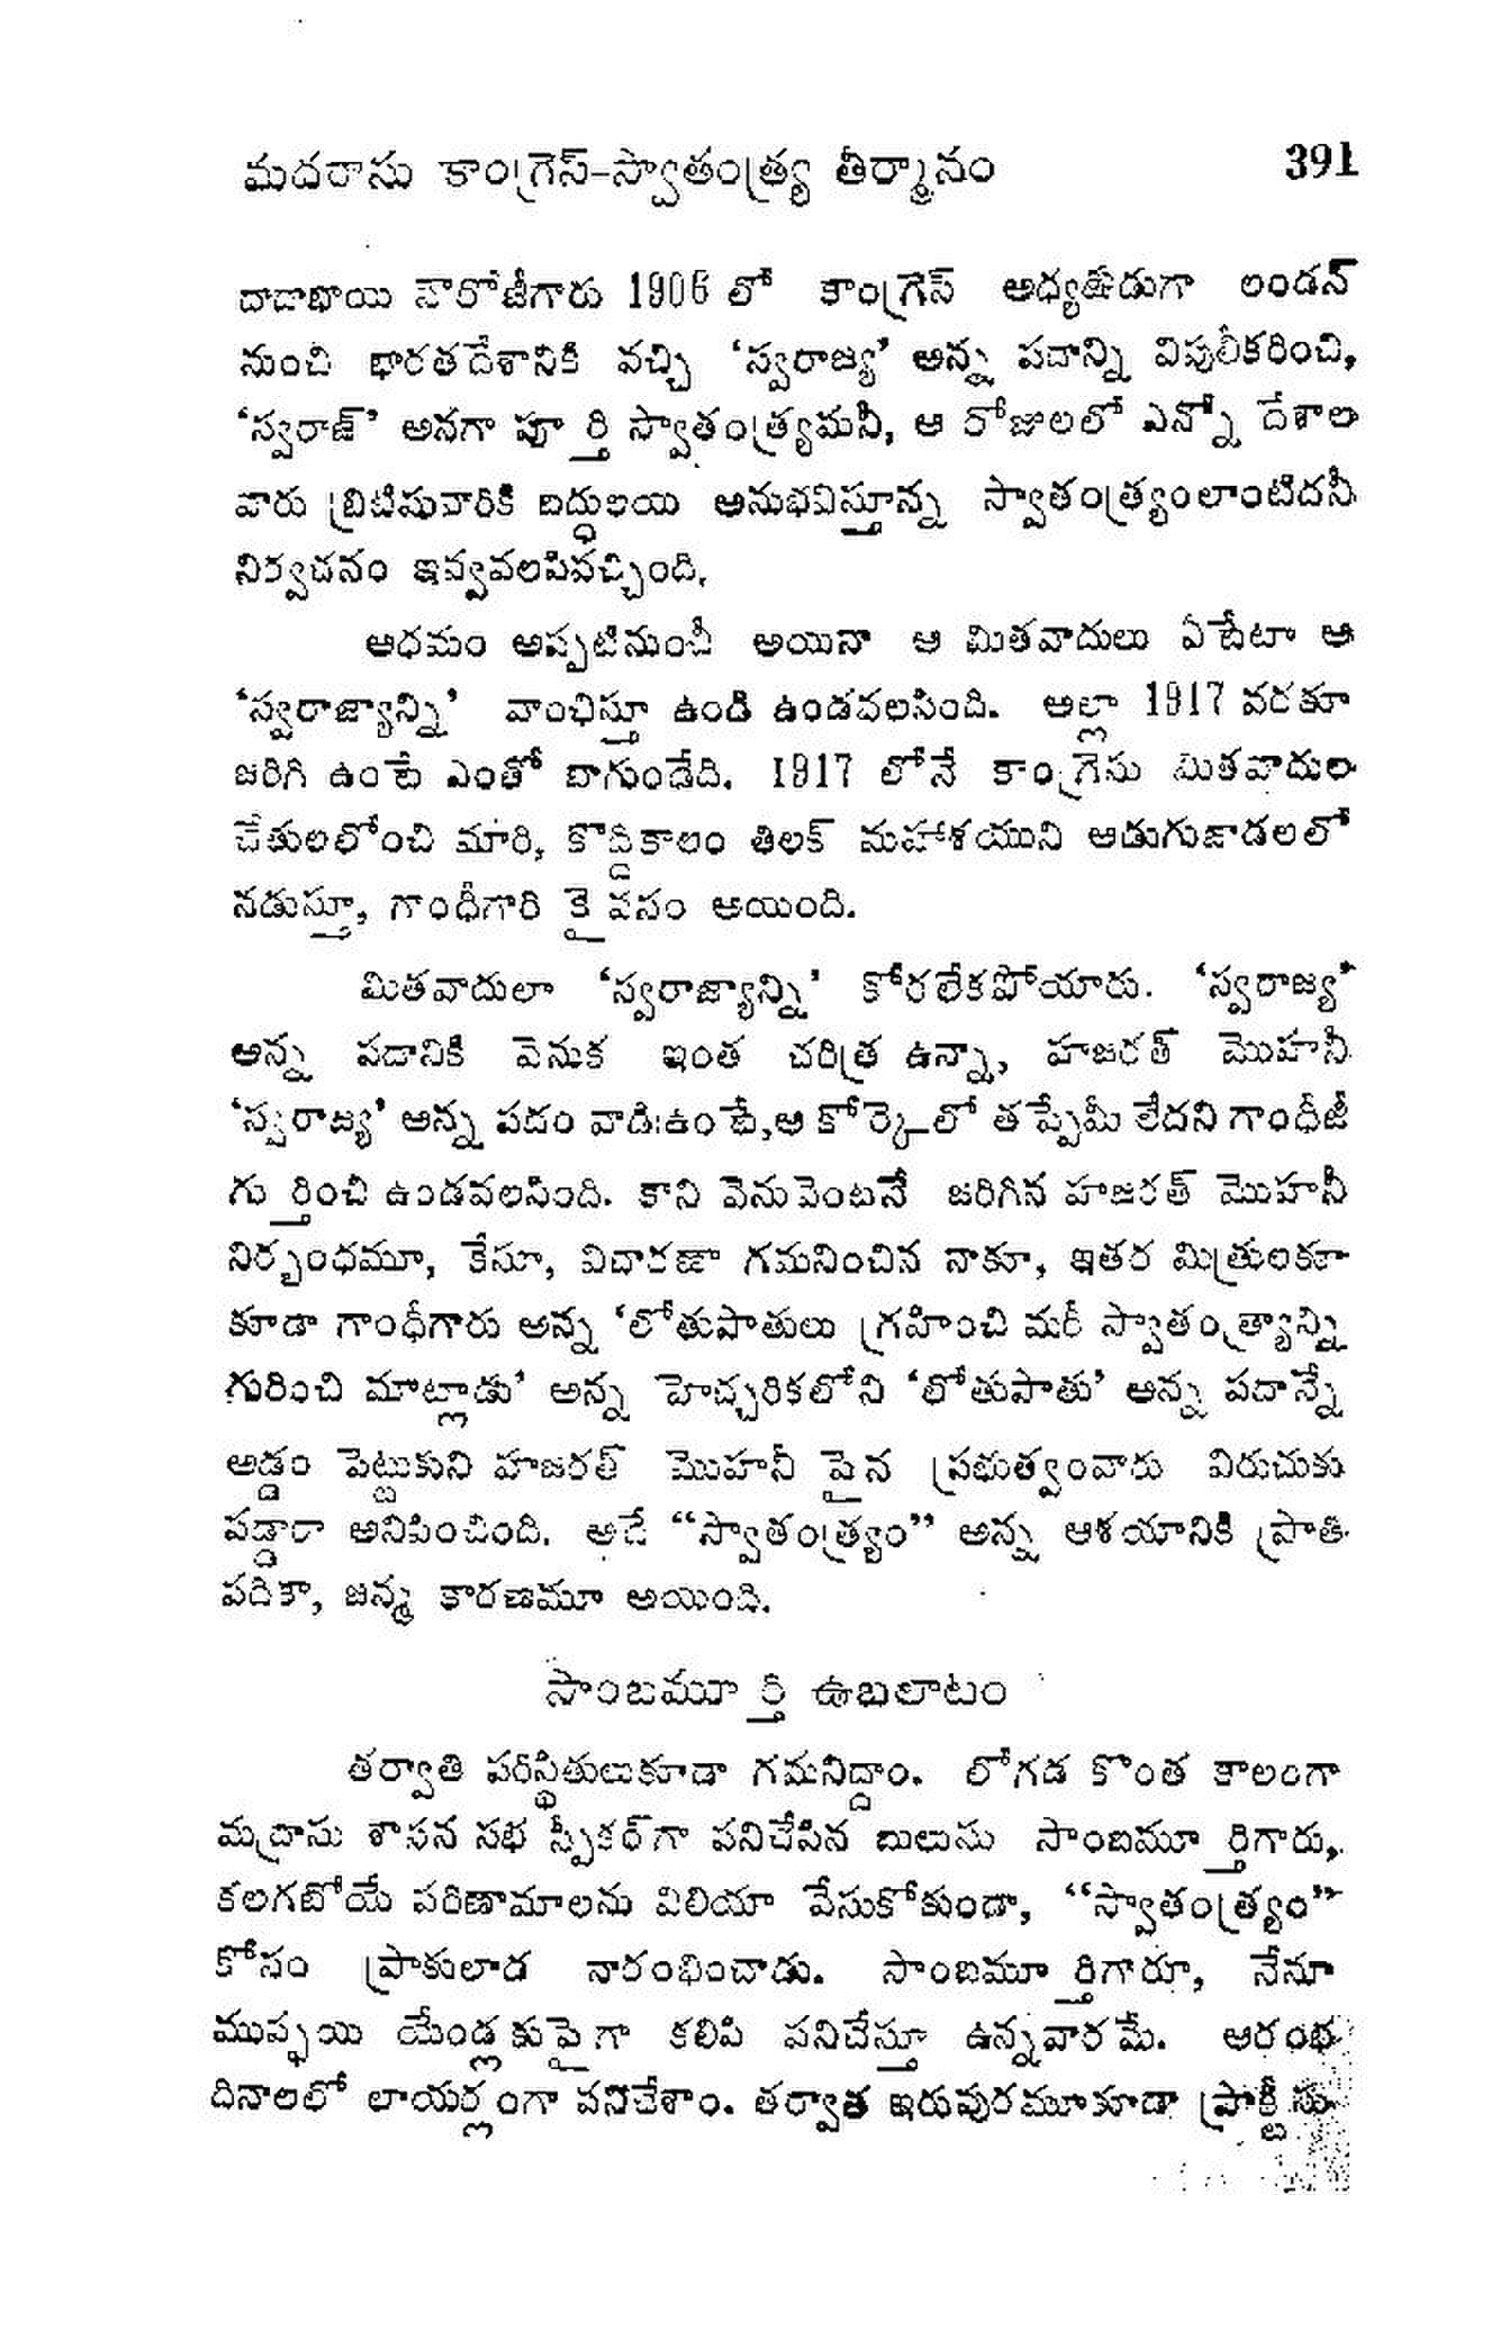దాదాభాయి నౌరోజీగారు 1906 లో కాంగ్రెస్ అధ్యక్షుడుగా లండన్ నుంచి భారతదేశానికి వచ్చి 'స్వరాజ్య' అన్న పదాన్ని విపులీకరించి, 'స్వరాజ్‌' అనగా పూర్తి స్వాతంత్ర్యమనీ, ఆ రోజులలో ఎన్నో దేశాల వారు బ్రిటిషువారికి బద్ధులయి అనుభవిస్తూన్న స్వాతంత్ర్యంలాంటిదనీ నిర్వచనం ఇవ్వ వలసివచ్చింది.

అధమం అప్పటినుంచీ అయినా ఆ మితవాదులు ఏటేటా ఆ 'స్వరాజ్యాన్ని' వాంఛిస్తూ ఉండి ఉండవలసింది. అల్లా 1917 వరకూ జరిగి ఉంటే ఎంతో బాగుండేది. 1917 లోనే కాంగ్రెసు మితవాదుల చేతులలోంచి మారి, కొద్దికాలం తిలక్ మహాశయుని అడుగుజాడలలో నడుస్తూ, గాంధీగారి కైవసం అయింది.

మితవాదులా 'స్వరాజ్యాన్ని' కోరలేకపోయారు. 'స్వరాజ్య' అన్న పదానికి వెనుక ఇంత చరిత్ర ఉన్నా, హజరత్ మొహనీ 'స్వరాజ్య' అన్న పదం వాడి:ఉంటే, ఆ కోర్కెలో తప్పేమీ లేదని గాంధీజీ గుర్తించి ఉండవలసింది. కాని వెనువెంటనే జరిగిన హజరత్ మొహనీ నిర్భంధమూ, కేసూ, విచారణా గమనించిన నాకూ, ఇతర మిత్రులకూ కూడా గాంధీగారు అన్న 'లోతు పాతులు గ్రహించి మరీ స్వాతంత్ర్యాన్ని గురించి మాట్లాడు' అన్న హెచ్చరిక లోని 'లోతుపాతు' అన్న పదాన్నే అడ్డం పెట్టుకుని హజరత్ మొహనీ పైన ప్రభుత్వంవారు విరుచుకు పడ్డారా అనిపించింది. అదే "స్వాతంత్ర్యం" అన్న ఆశయానికి ప్రాతిపదికా, జన్మ కారణమూ అయింది.

తర్వాతి పరిస్థితులుకూడా గమనిద్దాం. లోగడ కొంత కాలంగా మద్రాసు శాసన సభ స్పీకర్‌గా పనిచేసిన బులుసు సాంబమూర్తిగారు, కలగబోయే పరిణామాలను విలియా వేసుకోకుండా, "స్వాతంత్ర్యం" కోసం ప్రాకులాడ నారంభించాడు. సాంబమూర్తిగారూ, నేనూ మప్ఫయి యేండ్లకుపైగా కలిసి పనిచేస్తూ ఉన్నవారమే. ఆరంభ దినాలలో లాయర్లంగా పనిచేశాం. తర్వాత ఇరువురమూకూడా ప్రాక్టీసు